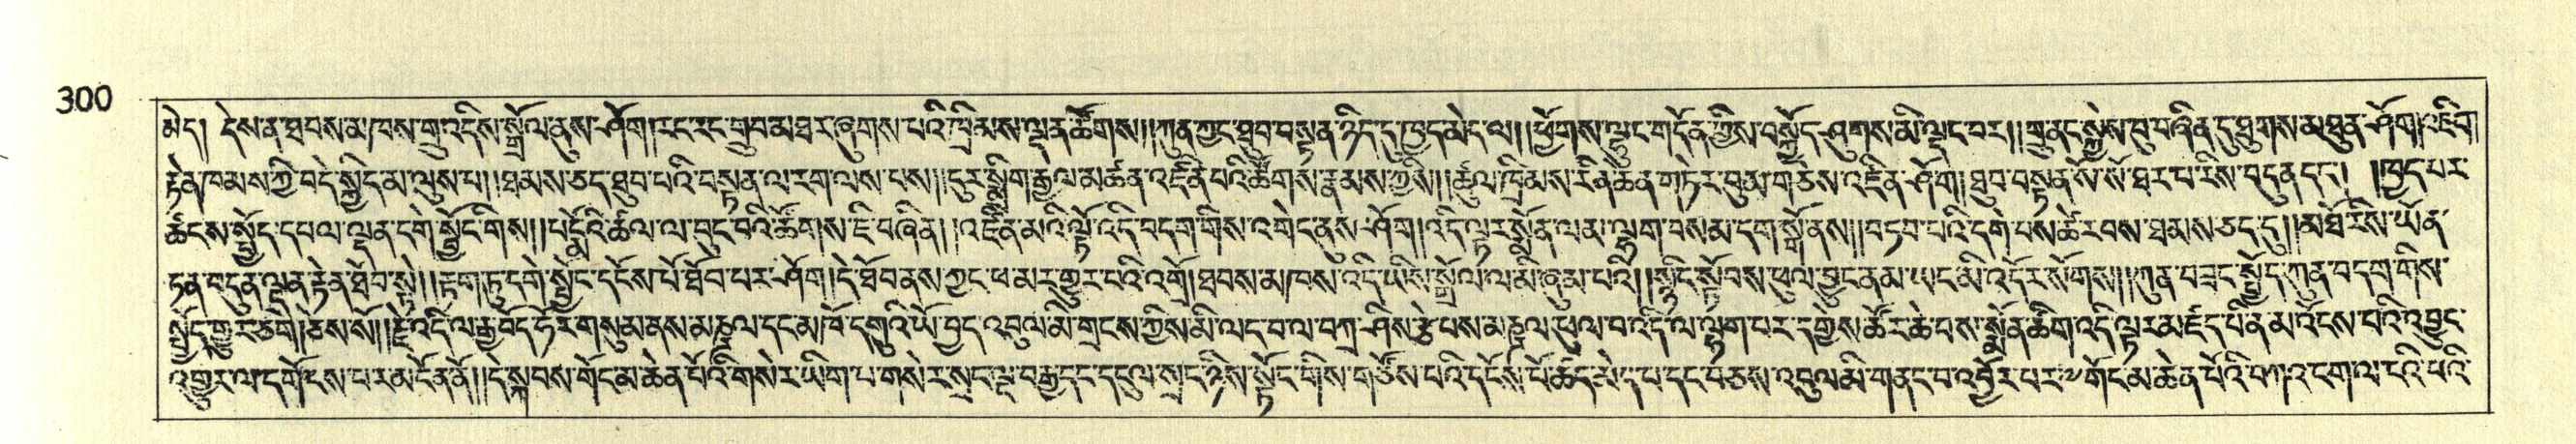མེད། དེས་ན་ཐབས་མཁས་གྲུ་འདིས་སྒྲོལ་ནུས་ཤོག །རང་རང་གྲུབ་མཐར་ཞུགས་པའི་ཁྲིམས་ལྡན་ཚོགས། །ཀུན་ཀྱང་ཐུབ་བསྟན་ཉིད་དུ་ཁྱད་མེད་ལ། །ཕྱོགས་ལྷུང་གདོན་གྱིས་བསྐྱོད་ཤུགས་མི་ལྡང་བར། །གྲུ་ནང་སྐྱེས་བུ་བཞིན་དུ་ཐུགས་མཐུན་ཤོག །འཇིག་
རྟེན་ཁམས་ཀྱི་བདེ་སྐྱིད་མ་ལུས་པ། །ཐམས་ཅད་ཐུབ་པའི་བསྟན་ལ་རག་ལས་པས། །དུར་སྨྲིག་རྒྱལ་མཚན་འཛིན་པའི་ཚོགས་རྣམས་ཀྱིས། །ཚུལ་ཁྲིམས་རིན་ཆེན་གཏེར་བུམ་གཅེས་འཛིན་ཤོག །ཐུབ་བསྟན་སོ་སོ་ཐར་པ་རིས་བདུན་དང་། །ཁྱད་པར་
ཚངས་སྤྱོད་དཔལ་ལྡན་དགེ་སྦྱོང་གིས། །པདམོའི་ཚལ་ལ་བུང་བའི་ཚོགས་ཇི་བཞིན། །འཛིན་མའི་ལྟོ་འདི་བདག་གིས་འགེང་ནུས་ཤོག །འདི་ལྟར་སྨོན་ལམ་ལྷག་བསམ་དག་སྒོ་ནས། །བཏབ་པའི་དགེ་པས་ཚེ་རབས་ཐམས་ཅད་དུ། །མཐོ་རིས་ཡོན་
ཏན་བདུན་ལྡན་རྟེན་ཐོབ་སྟེ། །རྟག་ཏུ་དགེ་སྤྱོད་དངོས་པོ་ཐོབ་པར་ཤོག །དེ་ཐོབ་ནས་ཀྱང་ཕ་མར་གྱུར་པའི་འགྲོ། ཐབས་མཁས་འདི་ཡིས་སྒྲོལ་ལ་མི་ཞུམ་པའི། །སྙིང་སྟོབས་ཕུལ་བྱུང་ནམ་ཡང་མི་འདོར་སོགས། །ཀུན་བཟང་སྤྱོད་ཀུན་བདག་གིས་
སྤྱོད་གྱུར་ཅིག །ཅེས་སོ། །རྗེ་འདི་ལ་རྒྱ་བོད་ཧོར་གསུམ་ནས་མཎྜལ་དང་མཁོ་དགུའི་ཡོ་བྱད་འབུལ་མི་གྲངས་ཀྱིས་མི་ལང་བ་ལ་བཀྲ་ཤིས་རྩེ་པས་མཎྜལ་ཕུལ་བ་འདི་ལ་ལྷག་པར་དགྱེས་ཚོར་ཆེ་བས་སྨོན་ཚིག་འདི་ལྟར་མཛད་པ་ནི་མ་འོངས་པའི་འབྱུང་
འགྱུར་ལ་དགོངས་པར་མངོན་ནོ། །དེ་སྐབས་གོང་མ་ཆེན་པོའི་གསེར་ཡིག་པ་གསེར་སྲང་ལྔ་བརྒྱ་དང་དངུལ་སྲང་ཉིས་སྟོང་གིས་གཙོས་པའི་དངོས་པོ་ཚད་མེད་པ་དང་བཅས་འབུལ་མི་གནང་བ་འབྱོར་པར་༧་གོང་མ་ཆེན་པོའི་བཀའ་ངག་ལ་ངའི་པའི་